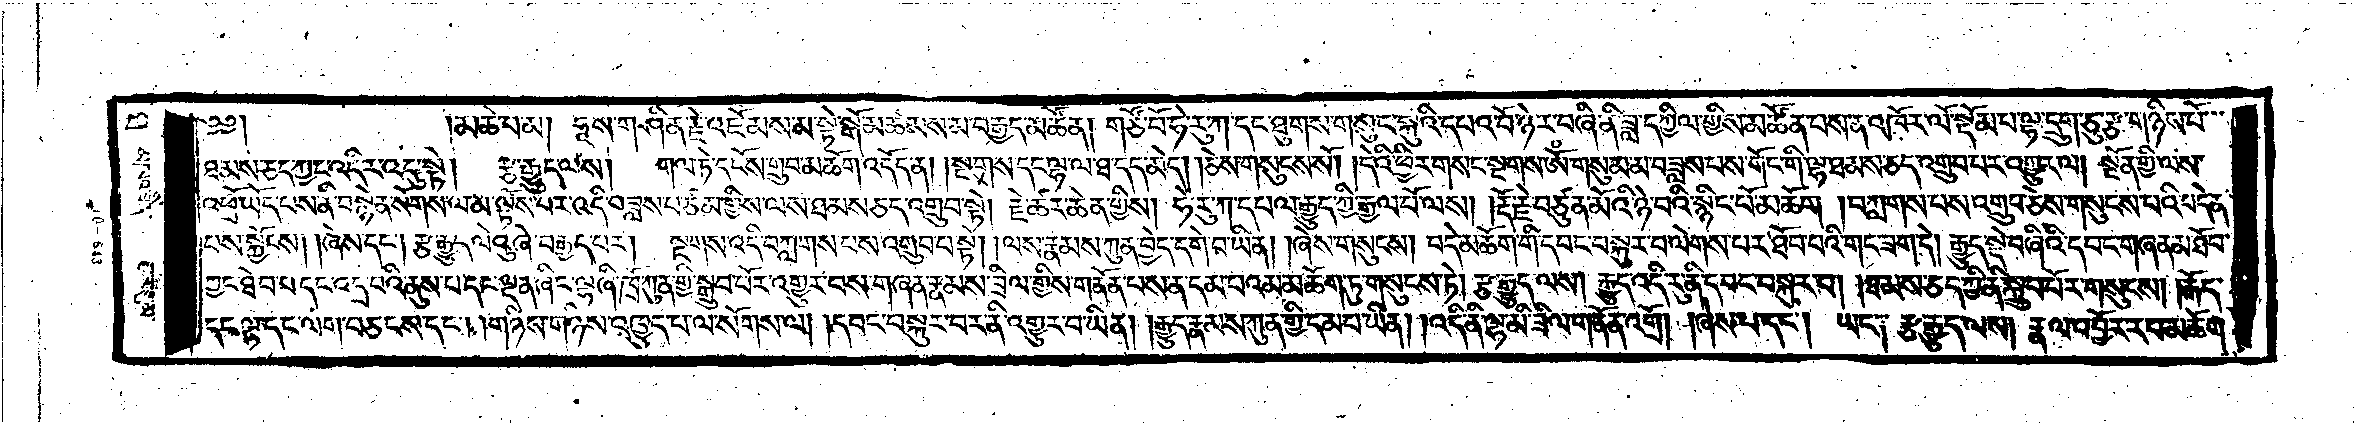༄༅། །མཆེ་བ་མ། ཧཱས་གཤིན་རྗེ་འཇོམས་མ་སྟེ་སྒོ་མཚམས་མ་བརྒྱད་མཚོན། གཙོ་བོ་ཧེ་རུ་ཀ་དང་ཐུགས་གསུང་སྐུའི་དཔའ་བོ་ཉེར་བཞི་ནི་ཟླ་དཀྱིལ་གྱིས་མཚོན་པས་ན་འཁོར་ལོ་སྡོམ་པ་ལྷ་དྲུག་ཅི་རྩ་གཉིས་པོ་
ཐམས་ཅད་ཀྱང་འདིར་འདུ་སྟེ། རྩ་རྒྱུད་ལས། གལ་ཏེ་དངོས་གྲུབ་མཆོག་འདོད་ན། །སྔགས་དང་ལྷ་ལ་ཐ་དད་མེད། །ཅེས་གསུངས་སོ། །དེའི་ཕྱིར་གསང་སྔགས་ཨོཾ་གསུམ་མ་བཟླས་པས་གོང་གི་ལྷ་ཐམས་ཅད་འགྲུབ་པར་འགྱུར་ལ། སྔོན་གྱི་ལས་
འཕྲོ་ཡོད་པས་ནི་བསྙེན་སོགས་ལ་མ་ལྟོས་པར་འདི་བཟླས་པ་ཙམ་གྱིས་ལས་ཐམས་ཅད་འགྲུབ་སྟེ། རྗེ་ཚར་ཆེན་གྱིས། ཧེ་རུ་ཀ་དཔལ་རྒྱུད་ཀྱི་རྒྱལ་པོ་ལས། །རྡོ་རྗེ་བཙུན་མོའི་ཉེ་བའི་སྙིང་པོ་མཆོག །བཀླགས་པས་འགྲུབ་ཅེས་གསུངས་པའི་བདེན་
པས་སྐྱོངས། །ཞེས་དང་། རྩ་རྒྱུད་ལེའུ་ཞེ་བརྒྱད་པར། སྔགས་འདི་བཀླགས་པས་འགྲུབ་པ་སྟེ། །ལས་རྣམས་ཀུན་བྱེད་དགེ་བ་ཡིན། །ཞེས་གསུངས། བདེ་མཆོག་གི་དབང་བསྐུར་བ་ལེགས་པར་ཐོབ་པའི་གང་ཟག་དེ། རྒྱུད་སྡེ་བཞིའི་དབང་གཞན་མ་ཐོབ་
ཀྱང་ཐོབ་པ་དང་འདྲ་བའི་ནུས་པ་དང་ལྡན་ཞིང་ལྷ་ཞི་ཁྲོ་ཀུན་གྱི་སྒྲུབ་པོར་འགྱུར་བས་གཞན་རྣམས་ཟིལ་གྱིས་གནོན་པས་ན་དམ་པའམ་མཆོག་ཏུ་གསུངས་ཏེ། རྩ་རྒྱུད་ལས། རྒྱུད་འདི་རུ་ནི་དབང་བསྐུར་བ། །ཐམས་ཅད་ཀྱི་ནི་སྒྲུབ་པོར་གསུངས། །རྒོད་
དང་ལྟ་དང་ལག་བཅངས་དང་། །གཉིས་གཉིས་འཁྱུད་པ་ལ་སོགས་ལ། །དབང་བསྐུར་བར་ནི་འགྱུར་བ་ཡིན། །རྒྱུད་རྣམས་ཀུན་གྱི་དམ་པ་ཡིན། །འདི་ནི་ལྷ་མི་ཟིལ་གནོན་འགྲོ། །ཞེས་པ་དང་། ཡང༑ རྩ་རྒྱུད་ལས། རྣལ་འབྱོར་རབ་མཆོག་